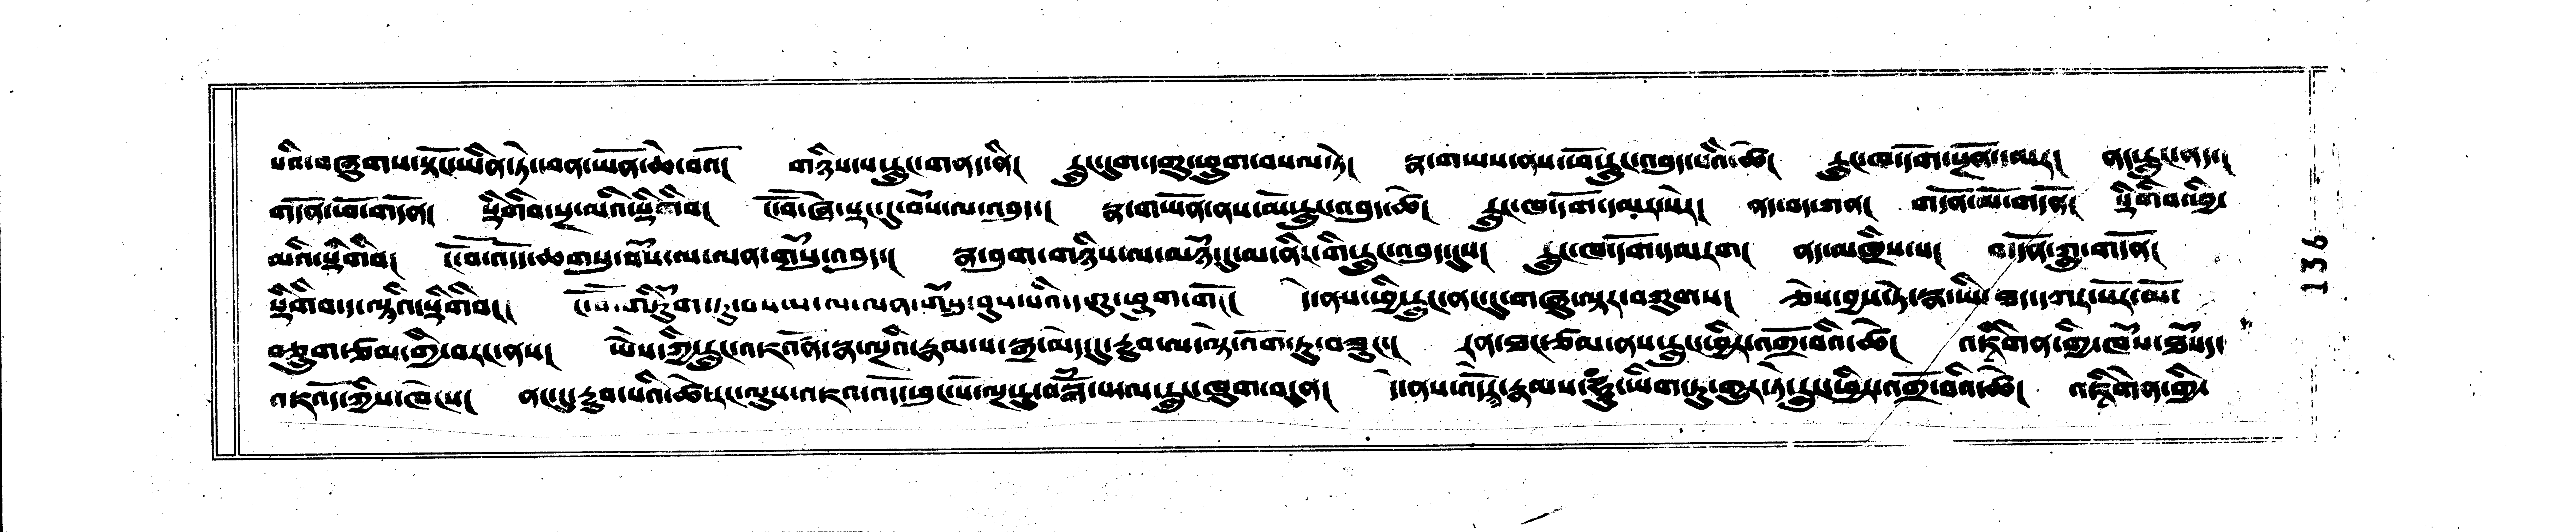པའི་བཞུགས་སྟངས་ཡིན་ཏེ་ཕན་ཡོན་ཆེ་བའོ། །གཉིས་པ་རླུང་གནད་ནི། རླུང་དུག་དགུ་ཕྲུག་བསལ་ཏེ། སྣ་གཡས་ནས་ཕོ་རླུང་འབུད་པའི་ཚེ། རླུང་ཁ་དོག་སྔོན་དམར། ནད་རླུང་ནད། 
གདོན་ཕོ་གདོན། སྡིག་སྒྲིབ་སྔ་མའི་སྡིག་སྒྲིབ། ངོ་བོ་ཞེ་སྡང་དུ་བསམ་ལ་འབུད། སྣ་གཡོན་ནས་མོ་རླུང་འབུད་ཚེ། རླུང་ཁ་དོག་དམར་སེར། ནད་བད་ཀན། གདོན་མོ་གདོན། སྡིག་སྒྲིབ་ཕྱི་
མའི་སྡིག་སྒྲིབ། ངོ་བོ་འདོད་ཆགས་སུ་བསམ་ལ་ལན་གསུམ་འབུད། སྣ་བུག་གཉིས་ལ་མཉམ་དུ་མ་ནིང་གི་རླུང་འབུད་དུས། རླུང་ཁ་དོག་དམར་ནག ནད་མཁྲིས་པ། གདོན་ཀླུ་གདོན།
 སྡིག་སྒྲིབ་ད་ལྟའི་སྡིག་སྒྲིབ། ངོ་བོ་གཏི་མུག་ཏུ་བསམ་ལ་ལན་གསུམ་བུས་པའི་དགུ་ཕྲུག་གོ །དེ་ནས་ཕྱི་རླུང་ནང་དུ་གཞུ་ལྟར་བཀུག ཅེས་བྱས་ཏེ་སྣ་ཡི་ཐད་ཀར་སོར་མོ་
བཅུ་དྲུག་ཙམ་གྱིས་བཏང་ནས། ཡེ་ཤེས་ཀྱི་རླུང་འཇའ་ཚོན་སྣ་ལྔའི་རྣམ་པ་སྒྲ་མེད་དུ་རྔུབ་ལ་ལྟེ་འོག་ཏུ་བཟུང་། རན་ཐང་ཙམ་ནས་རླུང་ཕྱིར་འགྲོ་བའི་ཚེ། འཇིག་རྟེན་གྱི་ཁམས་ཐམས་
འཇའ་འོད་ཀྱིས་ཁེངས། ནང་དུ་རྔུབ་པའི་ཚེ་རང་ལུས་འཇའ་འོད་ཕུང་པོ་ལྔ་རུ་བསྒོམས་པ་ལ་རླུང་ཁུག་བདུན། དེ་ནས་འོད་ཟེར་རྣམས་ཧཱུཾ་ཡིག་ཏུ་གྱུར་ཏེ་རླུང་ཕྱིར་འགྲོ་བའི་ཚེ། འཇིག་རྟེན་གྱི་